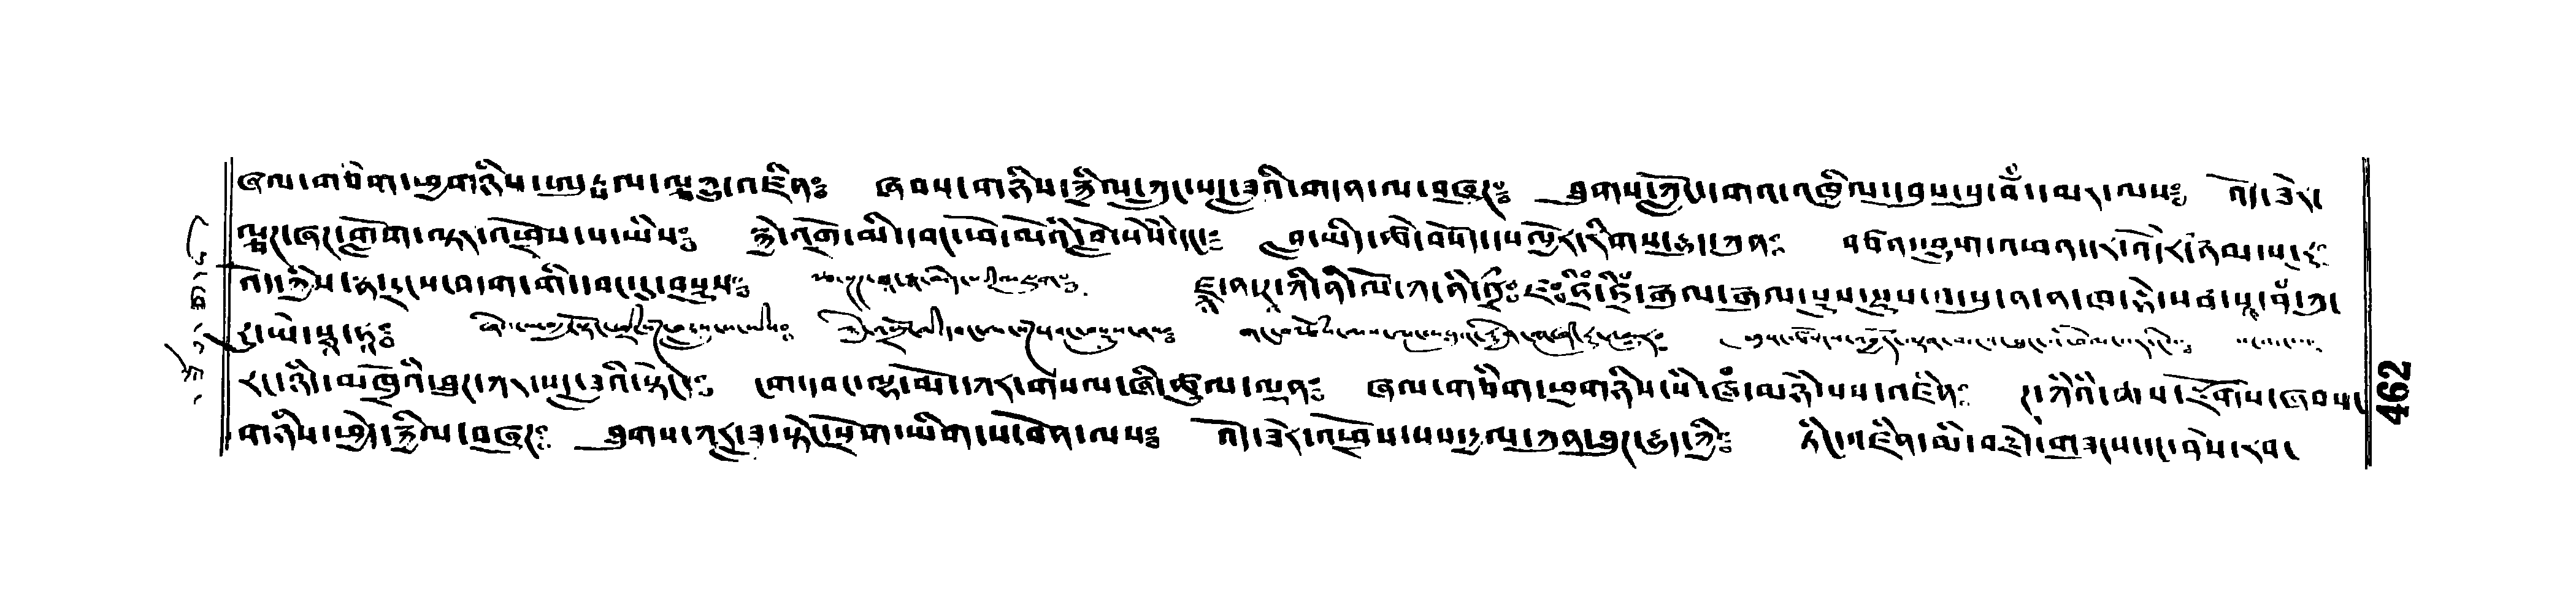ཞལ་གཅིག་ཕྱག་གཉིས་ཨུཏྤལ་ལྕགས་ཀྱུ་འཛིན༔ ཞབས་གཉིས་སྐྱིལ་ཀྲུང་པད་ཟླའི་གདན་ལ་བཞུགས༔ ཐུགས་ཀློང་དགའ་འཁྱིལ་དབུས་སུ་བྃ་དམར་ལས༔ འོད་ཟེར་
ལྕགས་ཞགས་གློག་ལྟར་འཕྲོས་པ་ཡིས༔ སྐྱེ་འགྲོ་མི་དབང་ཕོ་མོའི་བློ་སེམས་དང༔ བླ་ཡིད་ཚེ་བསོད་དཔལ་འབྱོར་རིགས་རྒྱུད་ཀུན༔ བཙན་ཕྱུག་འཕེལ་དར་འོད་ཟེར་རྣམ་པ་རུ༔ 
འོད་ཀྱིས་སྣ་དྲངས་བདག་གི་དབང་དུ་བསྡུས༔ རྩ་སྔགས་སྭཱ་ཧཱ་མེད་པའི་མཇུག༔ ཛྙཱ་ན་ཌཱ་ཀི་ནི་ལོ་ཀ་ནི་ནྲྀཿཛཿཧྲིཾ་ཧྲིཾ་སྒུལ་སྒུལ་སྡུས་སྡུས་བ་སུ་ན་ན་ཁ་དྷེ་སརྦ་པཱ་ཤཾ་ཀུ་
རུ་ཡེ་སྭཱ་ཧཱ༔ ཞེས་པ་བརྒྱ་སྟོང་ཁྲི་སོགས་བཟླས་པ་ཡིས༔ སྐྱེ་འགྲོ་མི་དབང་ལ་སོགས་དབང་བསྡུས་ནས༔ གང་བརྩམས་ལས་ལ་མཐུན་རྐྱེན་གཞི་རུ་འགྱུར༔ ཕུན་ཚོགས་འབྱོར་ལྡན་མངའ་ཐང་འཕེལ་བར་ངེས༔ ས་མ་ཡ༔ 
རང་ཉིད་མཁའ་འགྲོའི་ཐུགས་ཀར་པད་ཟླའི་སྟེང༔ ངག་དབང་ལྷ་མོ་དཀར་གསལ་ཞི་ཚུལ་ལྡན༔ ཞལ་གཅིག་ཕྱག་གཉིས་པི་ཝཾ་མཉམ་པས་འཛིན༔ ཌཱ་ཀིའི་ཆས་རྫོགས་ཞབས་
གཉིས་ཕྱེད་སྐྱིལ་བཞུགས༔ ཐུགས་ཀར་ཟླ་སྟེང་སྲོག་ཡིག་ས་བོན་ལས༔ འོད་ཟེར་འཕྲོས་པས་རྒྱལ་ཀུན་ཐུགས་རྒྱུད་ཀྱི༔ ཏིང་འཛིན་མི་བརྗེད་གཟུངས་དང་ཤེས་རབ་